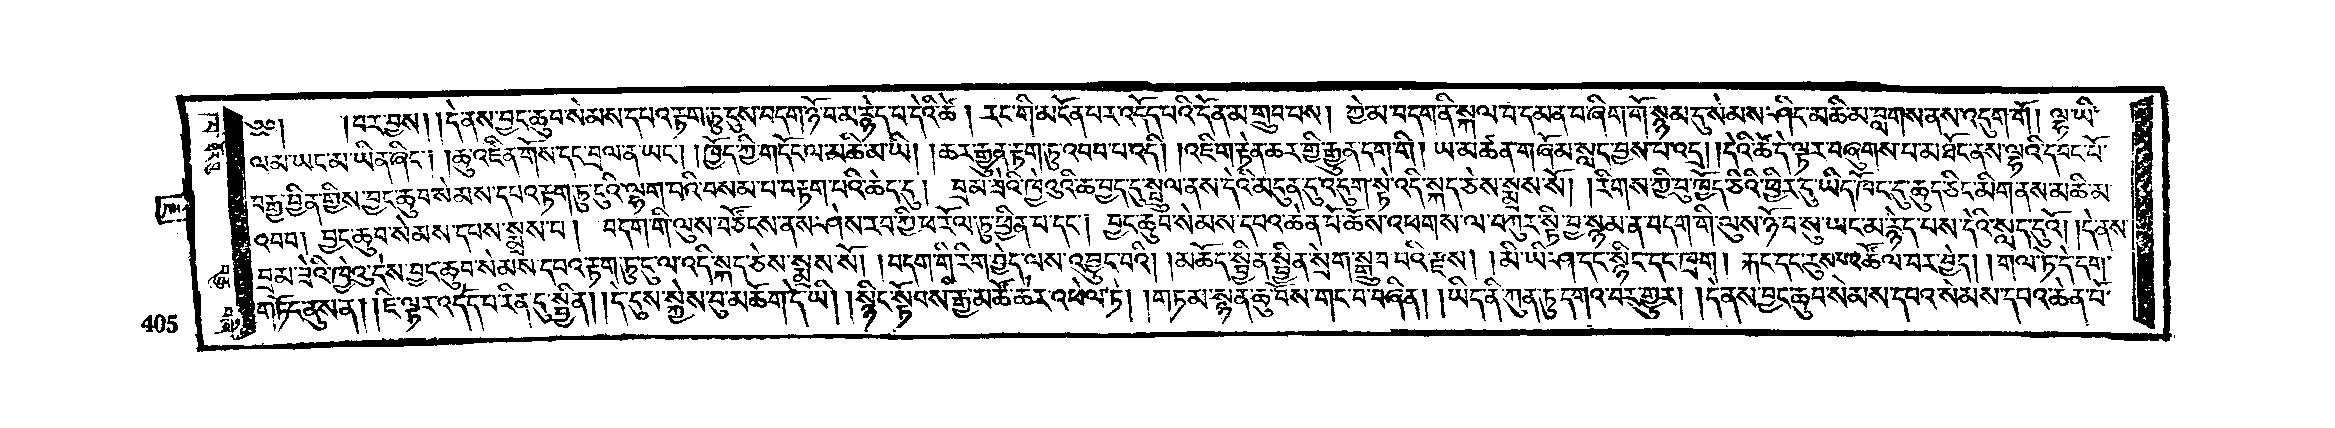༄༅། །བར་བྱས། །དེ་ནས་བྱང་ཆུབ་སེམས་དཔའ་རྟག་ཏུ་ངུས་བདག་ཉོ་བ་མ་རྙེད་པ་དེའི་ཚེ། རང་གི་མངོན་པར་འདོད་པའི་དོན་མ་གྲུབ་པས། ཀྱེ་མ་བདག་ནི་སྐལ་བ་དམན་པ་ཞིག་གོ་སྙམ་དུ་སེམས་ཤིང་མཆི་མ་བླགས་ནས་འདུག་གོ །ལྷ་ཡི་
ལམ་ཡང་མ་ཡིན་ཞིང་། །ཆུ་འཛིན་གོས་དང་བྲལ་ན་ཡང་། །ཁྱོད་ཀྱི་གདོང་ལ་མཆི་མ་ཡི། །ཆར་རྒྱུན་རྟག་ཏུ་འབབ་པ་འདི། །འཇིག་རྟེན་ཆར་གྱི་རྒྱུན་དག་གི །ཡ་མཚན་གཞོམ་སླད་བྱས་པ་འདྲ། །དེའི་ཚེ་དེ་ལྟར་བཞུགས་པ་མཐོང་ནས་ལྷའི་དབང་པོ་
བརྒྱ་བྱིན་གྱིས་བྱང་ཆུབ་སེམས་དཔའ་རྟག་ཏུ་ངུའི་ལྷག་པའི་བསམ་པ་བརྟག་པའི་ཆེད་དུ། བྲམ་ཟེའི་ཁྱེའུའི་ཆ་བྱད་དུ་སྤྲུལ་ནས་དེའི་མདུན་དུ་འདུག་སྟེ་འདི་སྐད་ཅེས་སྨྲས་སོ། །རིགས་ཀྱི་བུ་ཁྱོད་ཅིའི་ཕྱིར་དུ་ཡིད་ཁོང་དུ་ཆུད་ཅིང་མིག་ནས་མཆི་མ་
འབབ། བྱང་ཆུབ་སེམས་དཔས་སྨྲས་པ། བདག་གི་ལུས་བཙོངས་ནས་ཤེས་རབ་ཀྱི་ཕ་རོལ་ཏུ་ཕྱིན་པ་དང་། བྱང་ཆུབ་སེམས་དཔའ་ཆེན་པོ་ཆོས་འཕགས་ལ་བཀུར་སྟི་བྱ་སྙམ་ན་བདག་གི་ལུས་ཉོ་བ་སུ་ཡང་མ་རྙེད་པས་དེའི་སླད་དུའོ། །དེ་ནས་
བྲམ་ཟེའི་ཁྱེའུ་དེས་བྱང་ཆུབ་སེམས་དཔའ་རྟག་ཏུ་དུ་ལ་འདི་སྐད་ཅེས་སྨྲས་སོ། །བདག་གིས་རིག་བྱེད་ལས་འབྱུང་བའི། །མཆོད་སྦྱིན་སྦྱིན་སྲེག་སྒྲུབ་པའི་རྫས། །མི་ཡི་ཤ་དང་སྙིང་དང་ཁྲག །རྐང་དང་རུས་པ་འཚོལ་བར་བྱེད། །གལ་ཏེ་དེ་དག་
གཏོང་ནུས་ན། །ཇི་ལྟར་འདོད་པ་རིན་དུ་སྦྱིན། །དེ་དུས་སྐྱེས་བུ་མཆོག་དེ་ཡི། །སྙིང་སྟོབས་རྒྱ་མཚོ་ཆེར་འཕེལ་ཏེ། །གཏམ་སྙན་ཆུ་བོས་གང་བ་བཞིན། །ཡིད་ནི་ཀུན་ཏུ་དགའ་བར་གྱུར། །དེ་ནས་བྱང་ཆུབ་སེམས་དཔའ་སེམས་དཔའ་ཆེན་པོ་